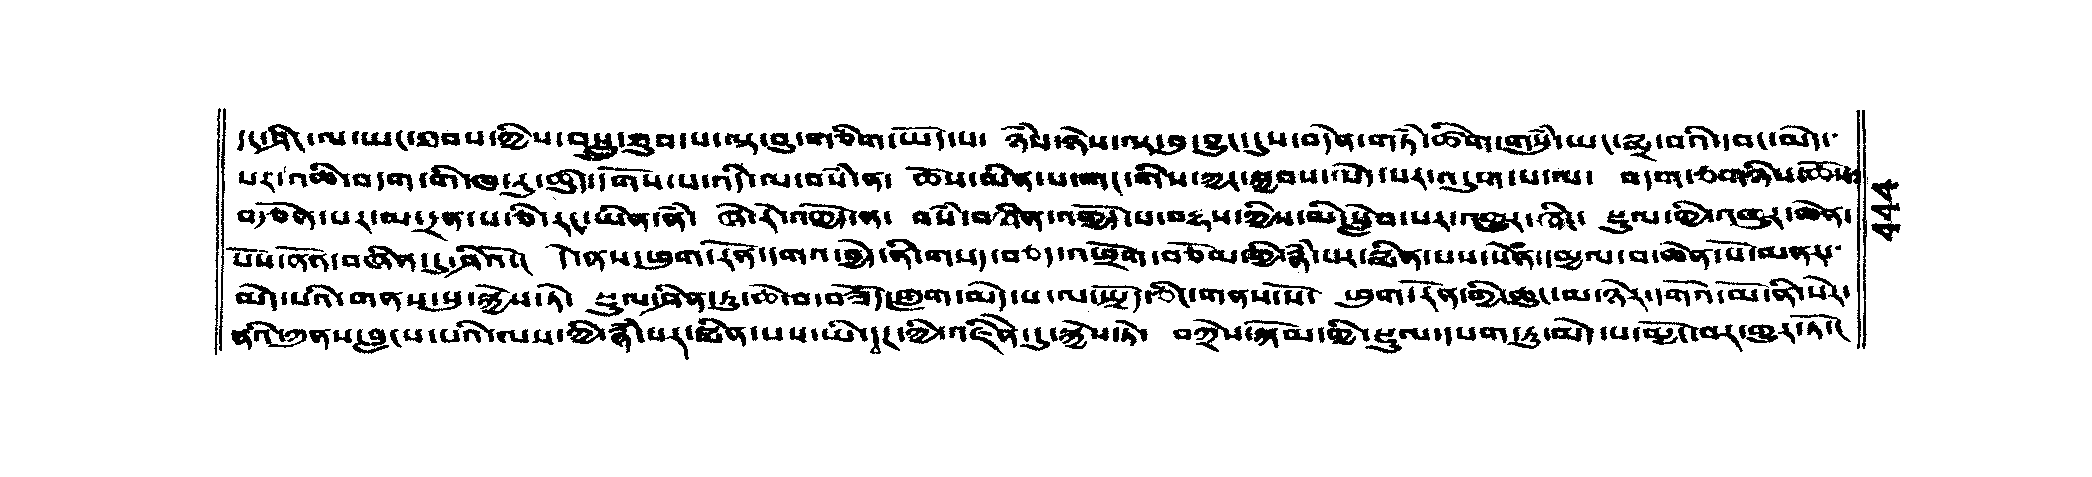དང་ཤིང་ལ་ཡང་ཐབས་ཀྱིས་བླུ་ཐུབ་པ་ལྟ་བུ་གཅིག་ཡོད་པ། ཉམས་ཉེས་ལྟ་བུ་བྱུང་དུས་བདེན་གཏམ་ཚིག་གསུམ་ཡང་སྨྲ་བའི་དབང་མེད་
པར་འཆི་བདག་གི་ཁ་རུ་ཚུད་དགོས་པ་འདི་ལ་བསམ་ན། ཆོས་མིན་པ་གང་གིས་ཀྱང་སྐྱབས་མེད་པར་འདུག་པ་ལ། བདག་ཅག་གཉིས་ཆོས་
བརྩོན་པར་མ་དྲན་པ་ཅི་རང་ཡིན་ནམ། ཞེ་རེ་འགྱོད་ན། བསམ་བཞིན་འགྱོད་པ་བརྡས་ཀྱིས་མི་སླེབ་པར་འགྱུར་ཞིང་། སྡུག་གི་འཁུར་ཆེན་
པོས་ནོན་བཞིན་དུ་ཤིའོ། དེ་ནས་ཕུག་རོན་དགའ་བྱེད་ནི་གསད་བཅད་འཕྲོག་བཅོམ་གྱི་རྣམ་པར་སྨིན་པས་སེམས་ཅན་དམྱལ་བ་ཆེན་པོ་མནར་
མེད་པའི་གནས་སུ་སྐྱེས་ཏེ། སྡུག་བསྔལ་ཤིན་ཏུ་ཆེ་བ་བཟོད་གླག་མེད་པ་ལ་སྤྱོད་ཅིང་གནས་སོ། ཕུག་རོན་གྱི་ཆུང་མ་ཉེར་དགའ་མོ་ནི་སེར་
སྣའི་ཀུན་ནས་བླངས་པའི་ལས་ཀྱི་རྣམ་པར་སྨིན་པས་ཡི་དྭགས་ཀྱི་འཇིག་རྟེན་དུ་སྐྱེས་ཏེ། བཀྲེས་སྐོམ་གྱི་སྡུག་བསྔལ་དཔག་ཏུ་མེད་པ་མྱོང་བར་གྱུར་ཏོ།།